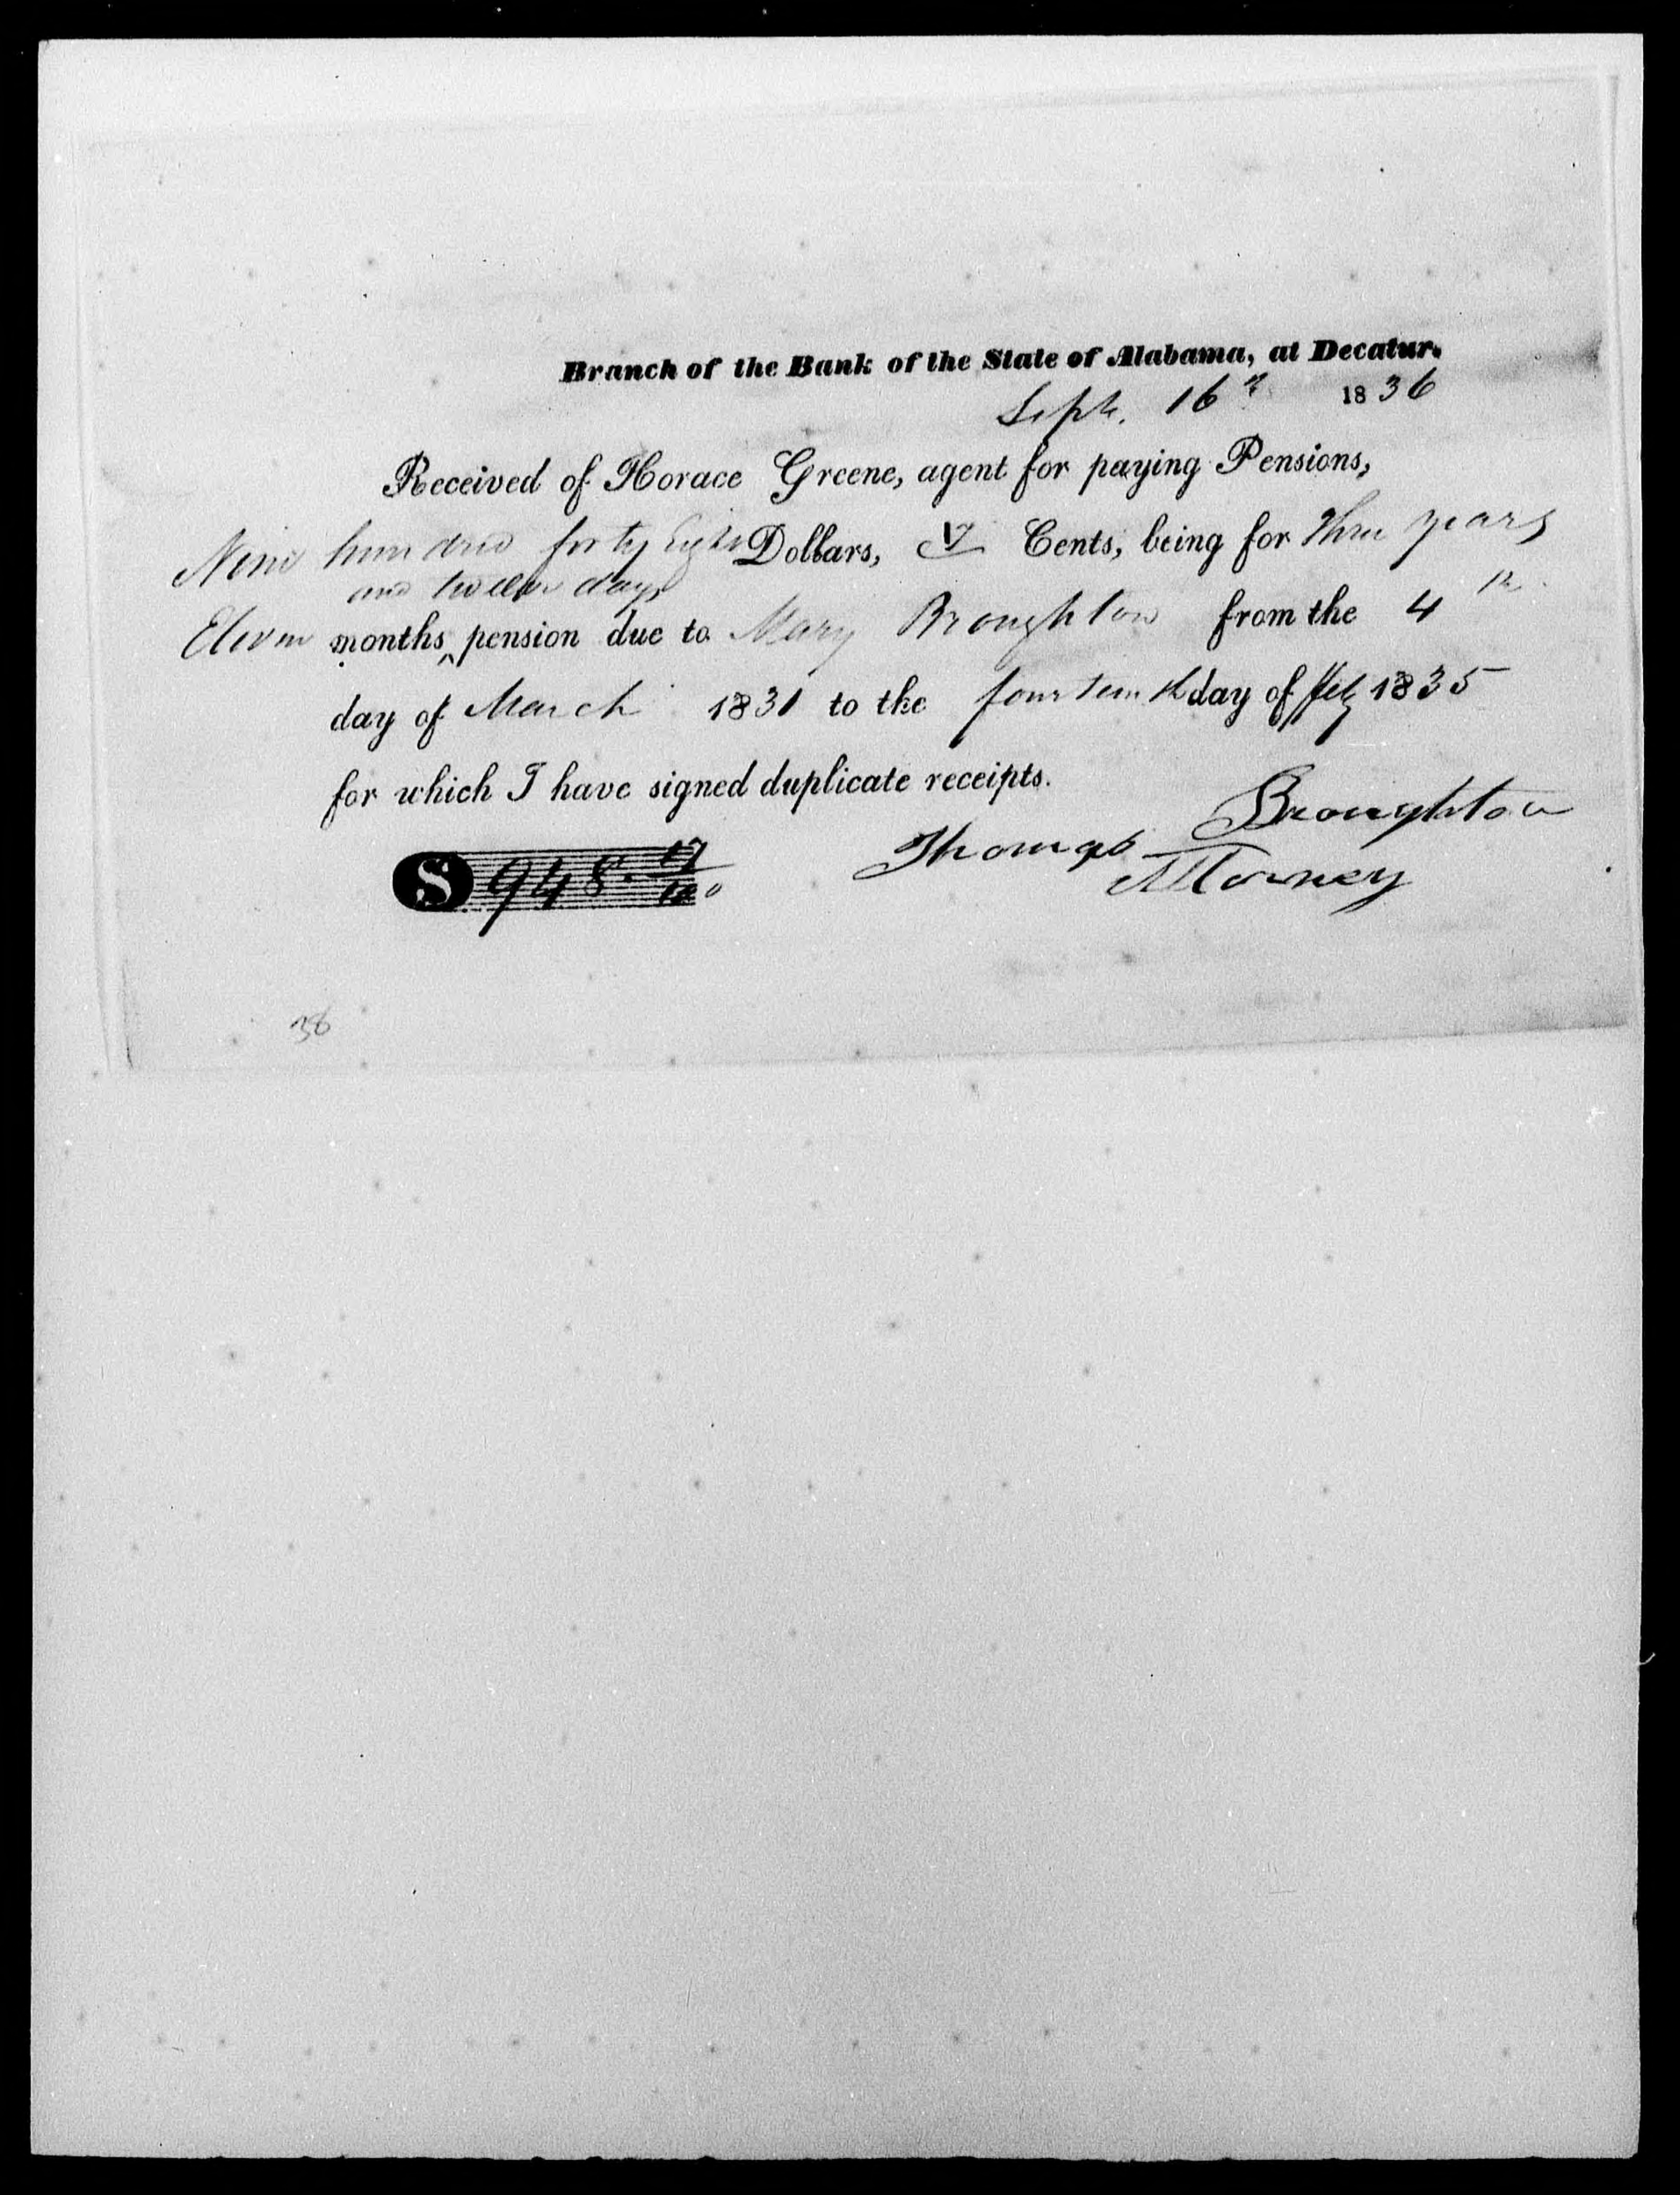Branch of the Bank of the State of Alabama, at Decatur. 
Sept. 16th 1836 

Received of Horace Greene, agent for paying Pensions, 
Nine hundred forty eight Dollars, 17 Cents, being for three years 
Eleven months pension due to Mary Broughton from the 4th 
day of March 1831 to the fourteenth day of Feb 1835 
for which I have signed duplicate receipts. 

$948.17 

Thomas Broughton 
Attorney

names: Thomas Broughton, Horace Greene, Mary Broughton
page: 3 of 72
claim: widow's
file: W. 897, Thomas Broughton, S.C.